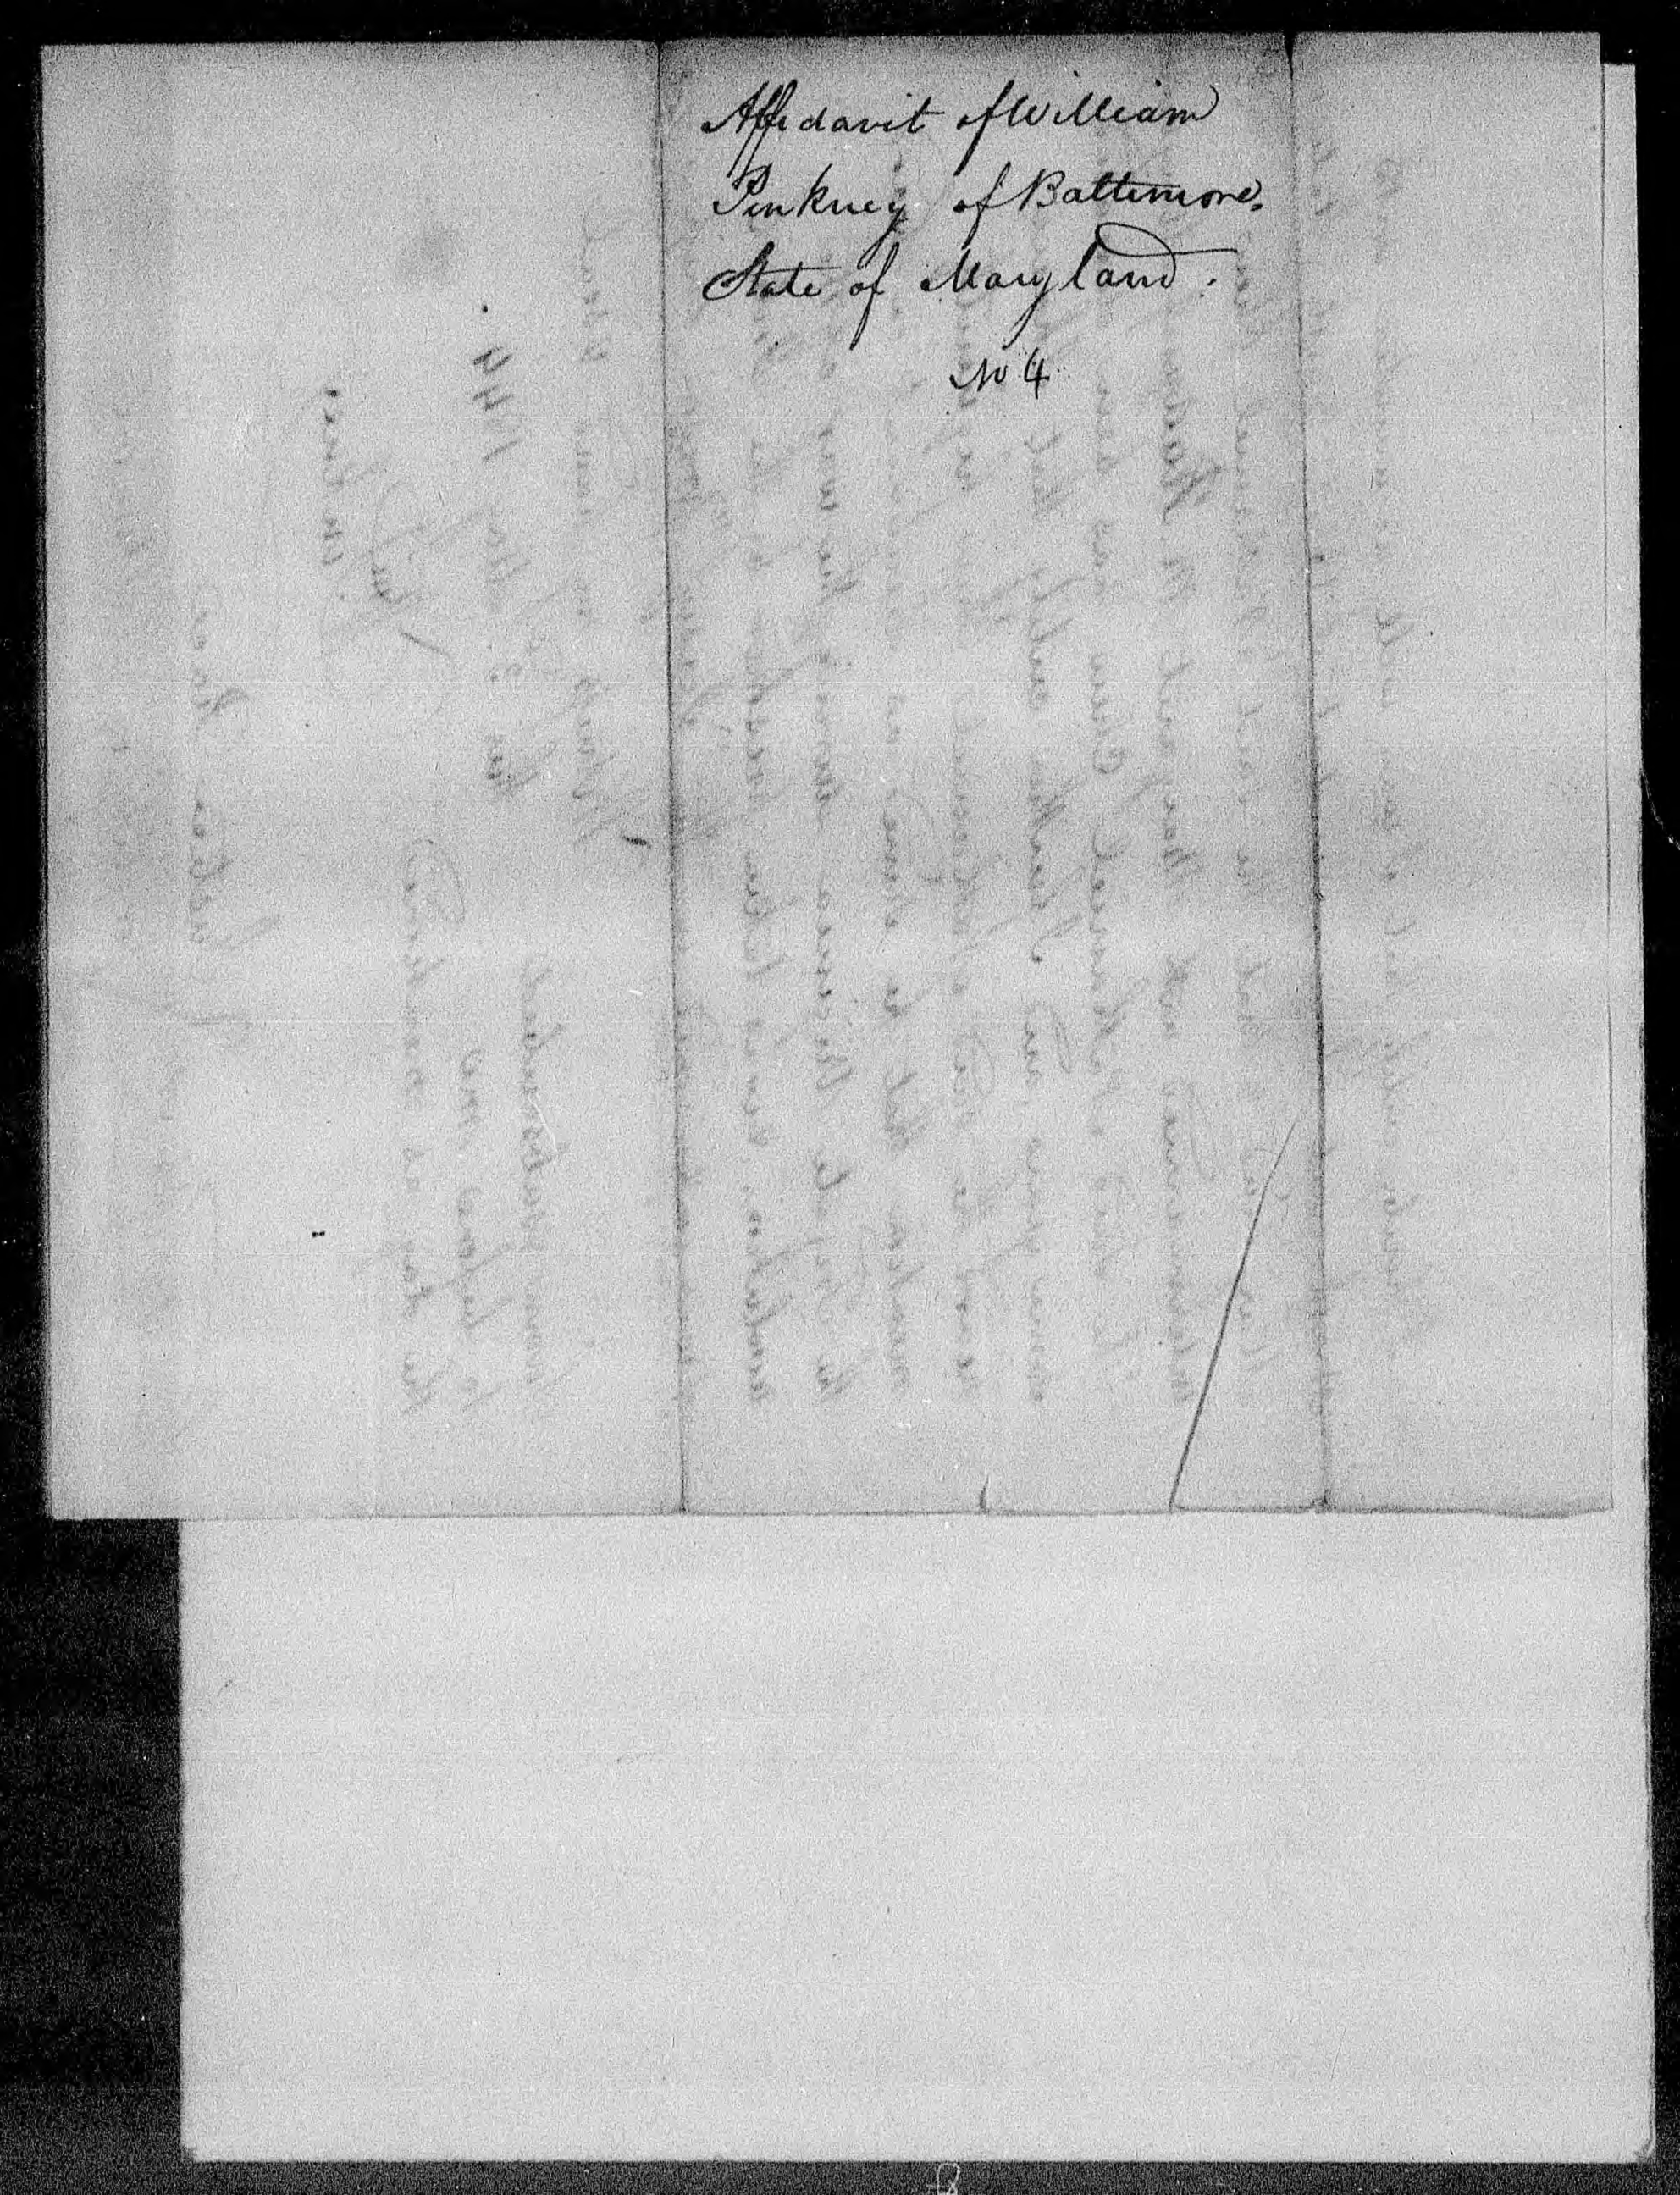Affidavit of William
Pinkney of Baltimore,
State of Maryland.
No 4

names: William Pinkney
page: 48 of 59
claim: widow's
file: W. 9383, Nathaniel Chew, Navy (Md.)